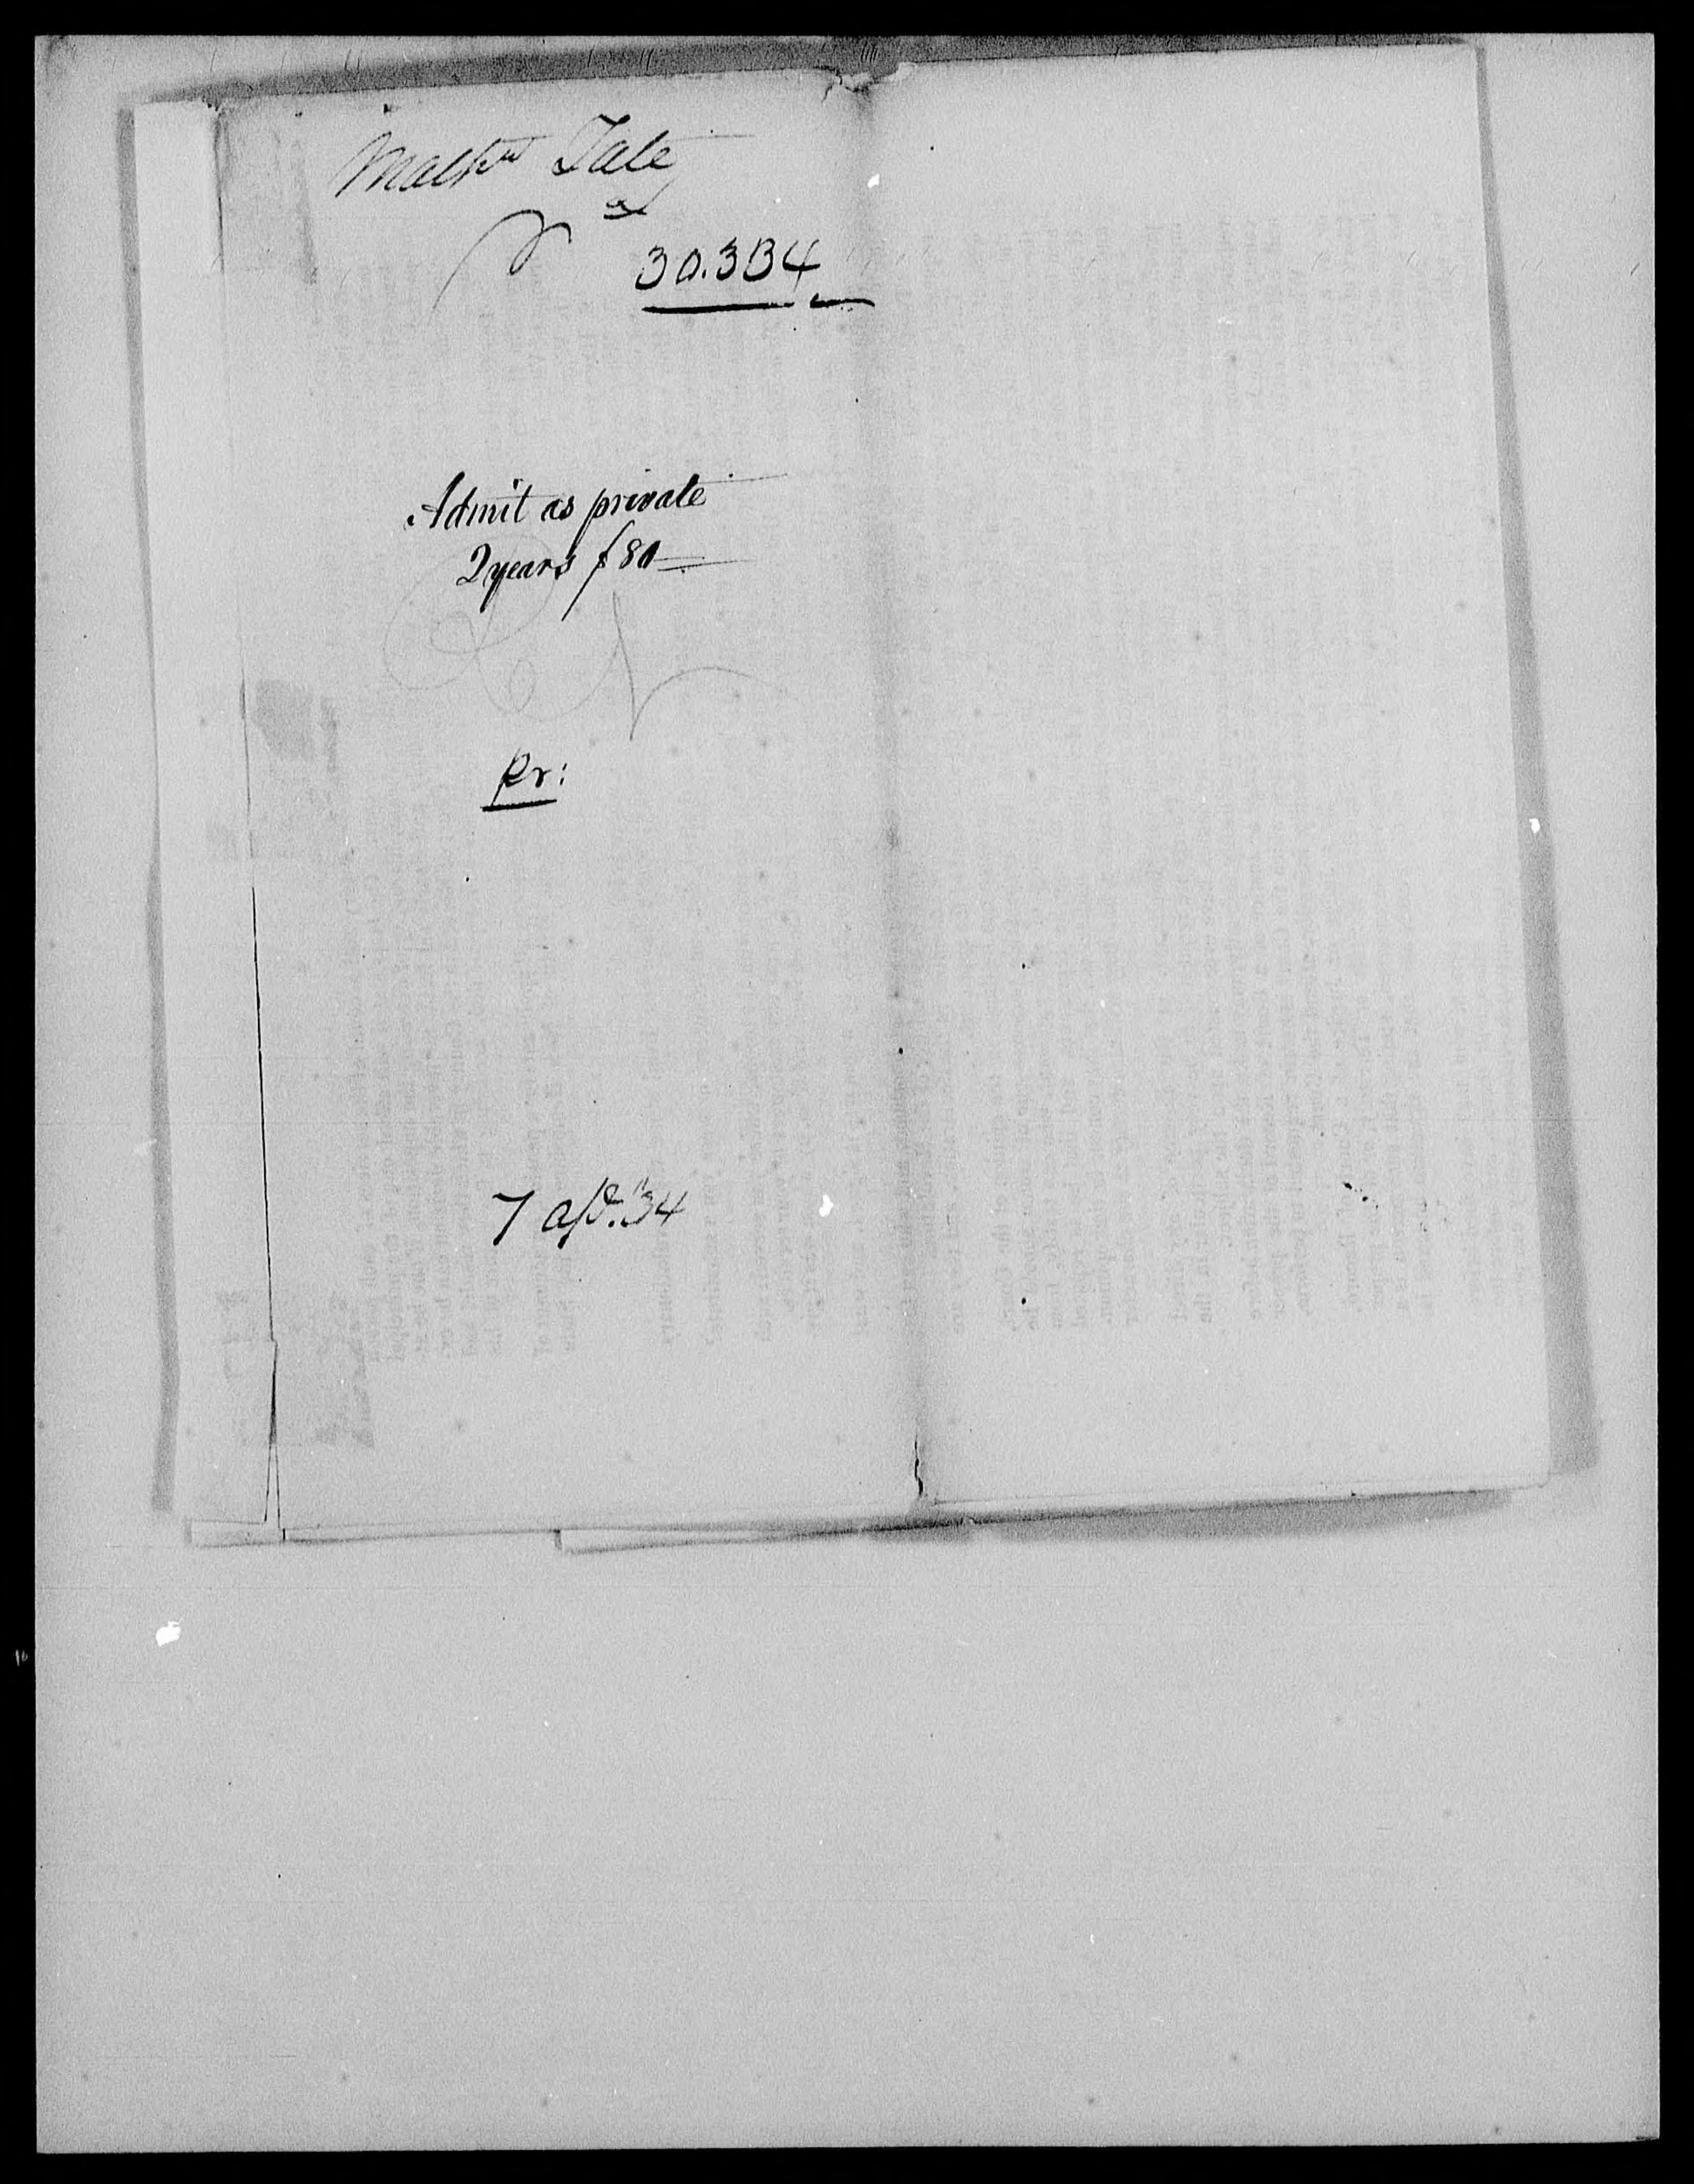Matthew Tate
30.334
Admit as private
2 years $80
Pr:
Tap. 34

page: 15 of 18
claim: survivor's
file: S. 11,508, for Mathew Tate, Virginia